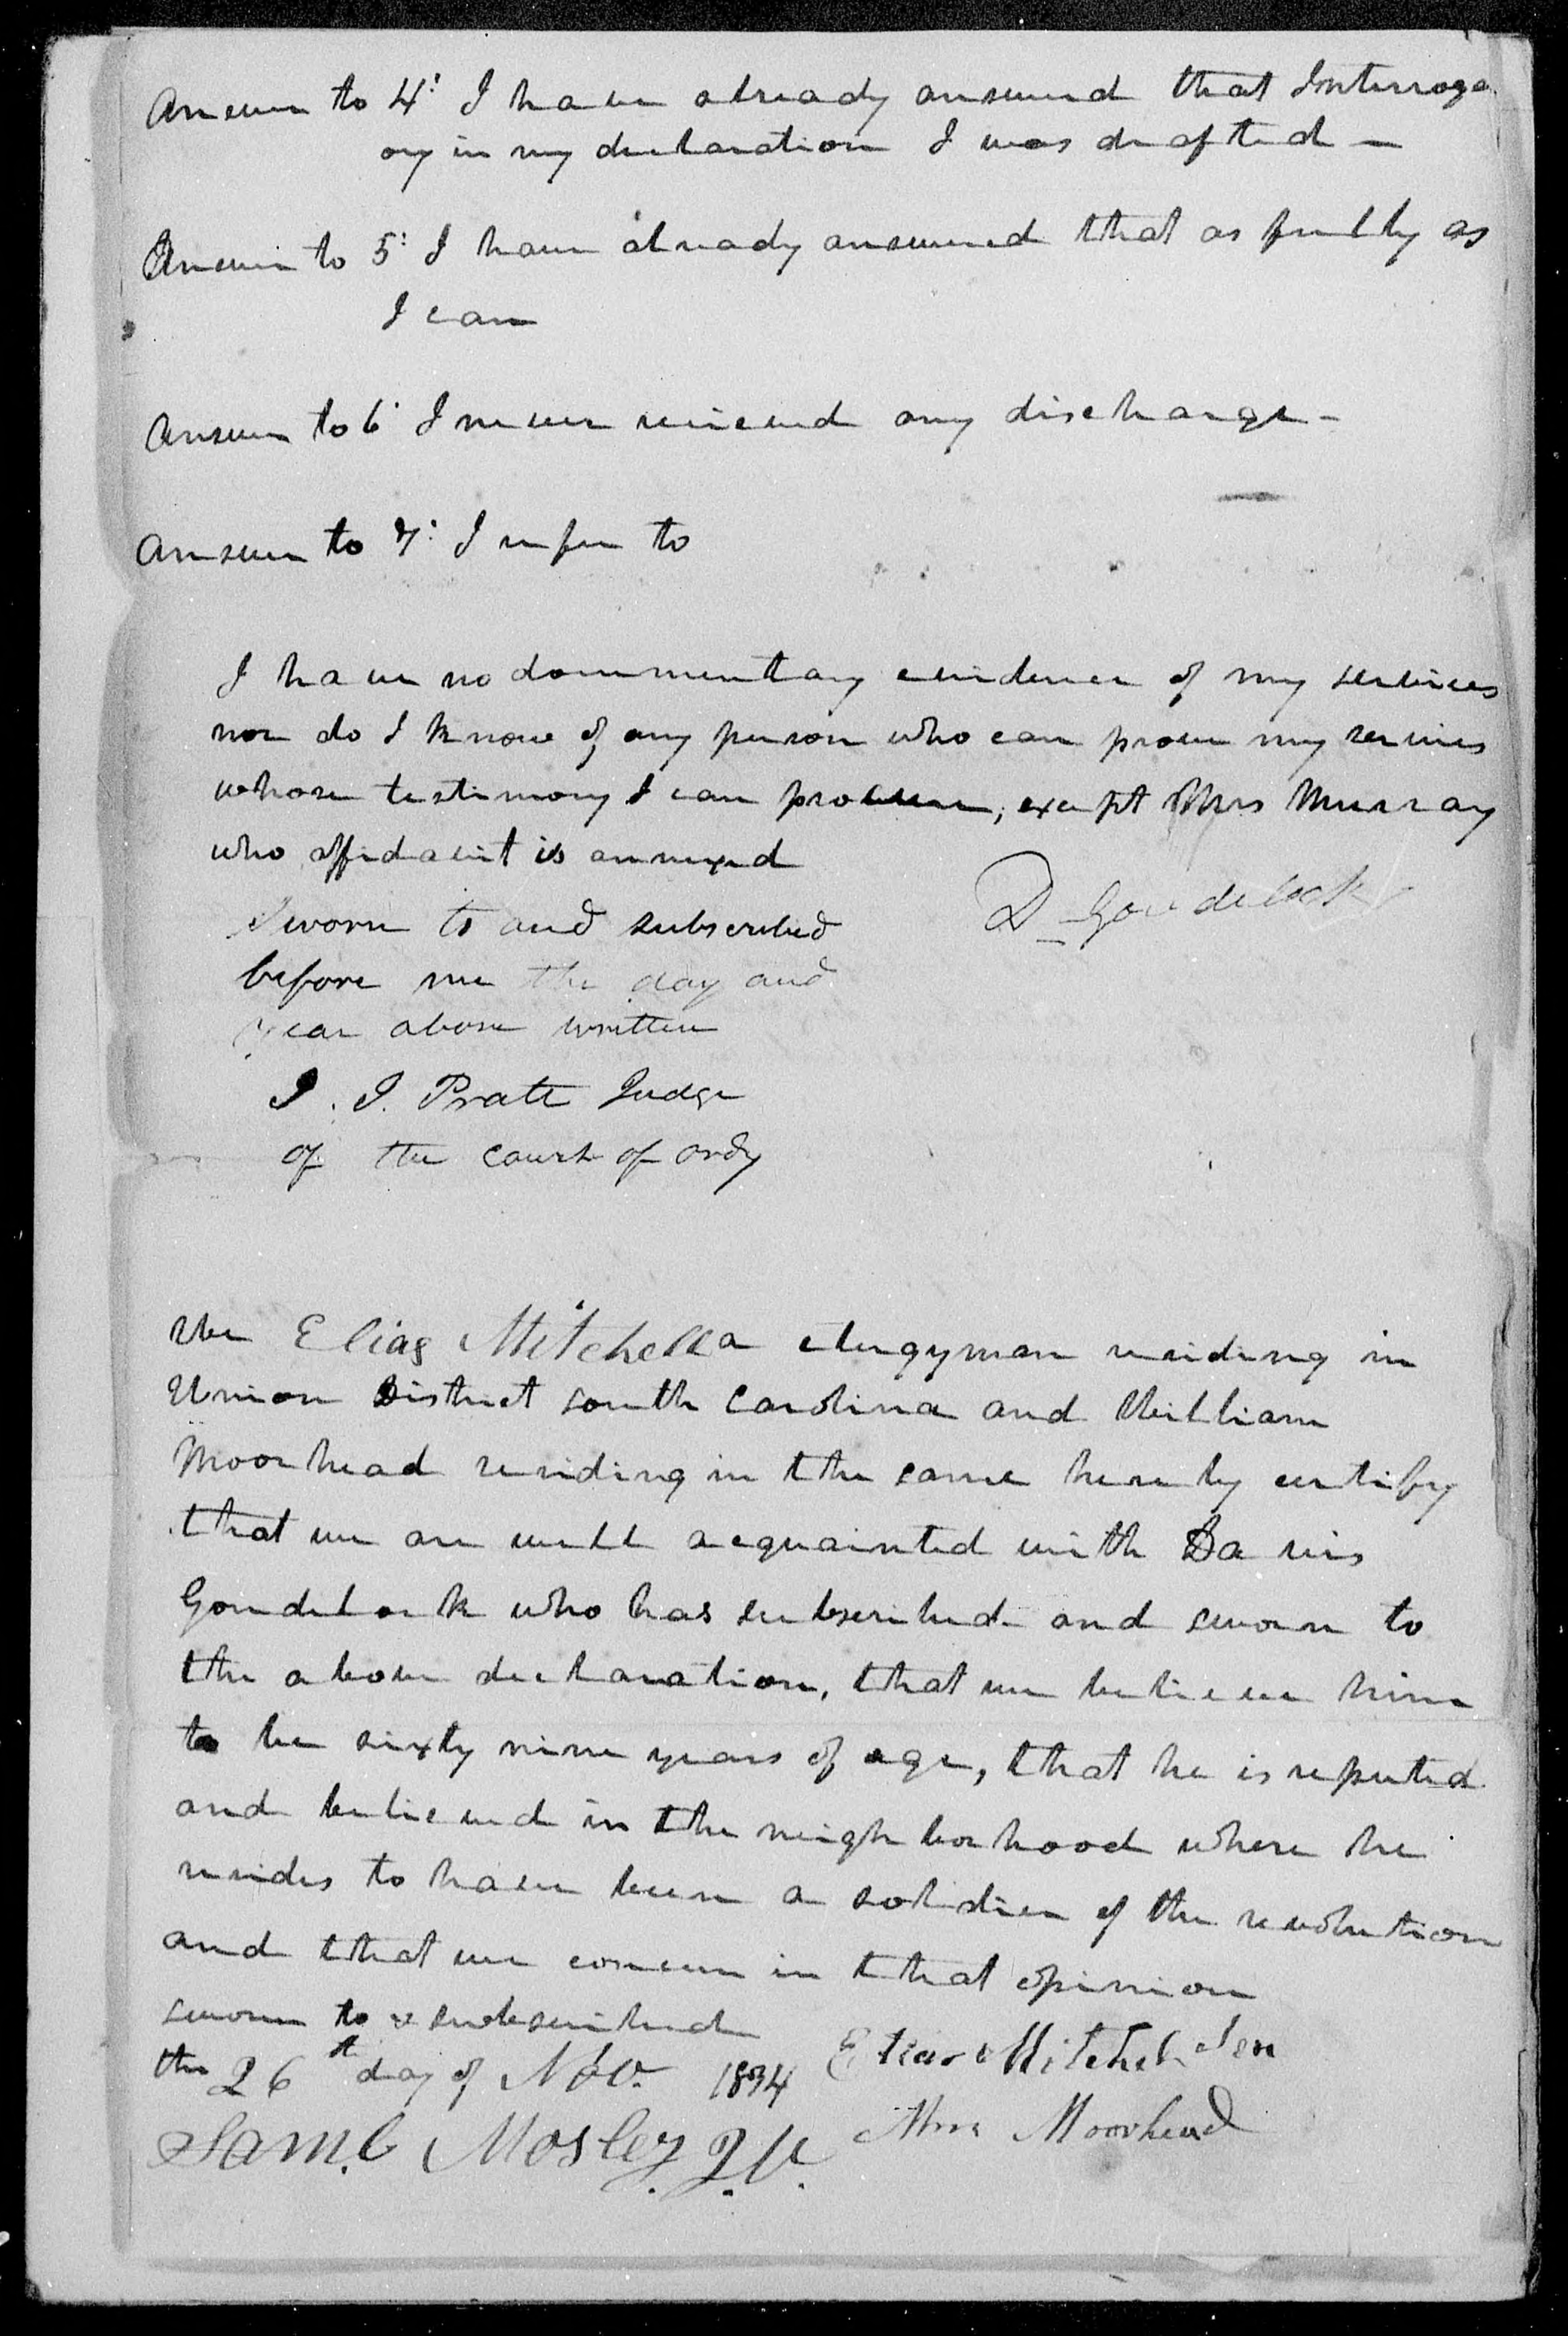Answer to 4:  I have already answered that Interrogatory in my declaration I was drafted-
Answer to 5:  I have already answered that as fully as I can
Answer to 6:  I never received any discharge-
Answer to 7:  I refer to
I have no dommentary evidence of my services nor do I know of any person who can prove my services whose testimony I can procure; except Mrs Murray who affidavit is annexed
D_Goudelock 
Sworn to and subscribed before me the day and year above written
J. J. Pratt Judge of the Court of Ordy

We Elias Mitchell a clergyman residing in Union District South Carolina and William Moorhead residing in the same hereby certify that we are well acquainted with Davis Goudelock who has subscribed and sworn to the above declaration, that we believe him to be sixty nine years of age, that he is reputed and believed in the neighborhood where he resides to have been a soldier of the revolution and that we concur in that opinion
Elias Mitchell Sen
Mrs Moorhead
Sworn to & subscribed this 26th day of Nov. 1834
Saml Mosley Q.U.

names: Elias Mitchel, J J Pratt, Elias Mitchell, Murray, D Goudelock, Saml Mosley, Wm Moorhead, Davis Goudelock, William Moorhead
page: 5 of 18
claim: survivor's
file: S. 21,236, Davis Goudelock, S.C.